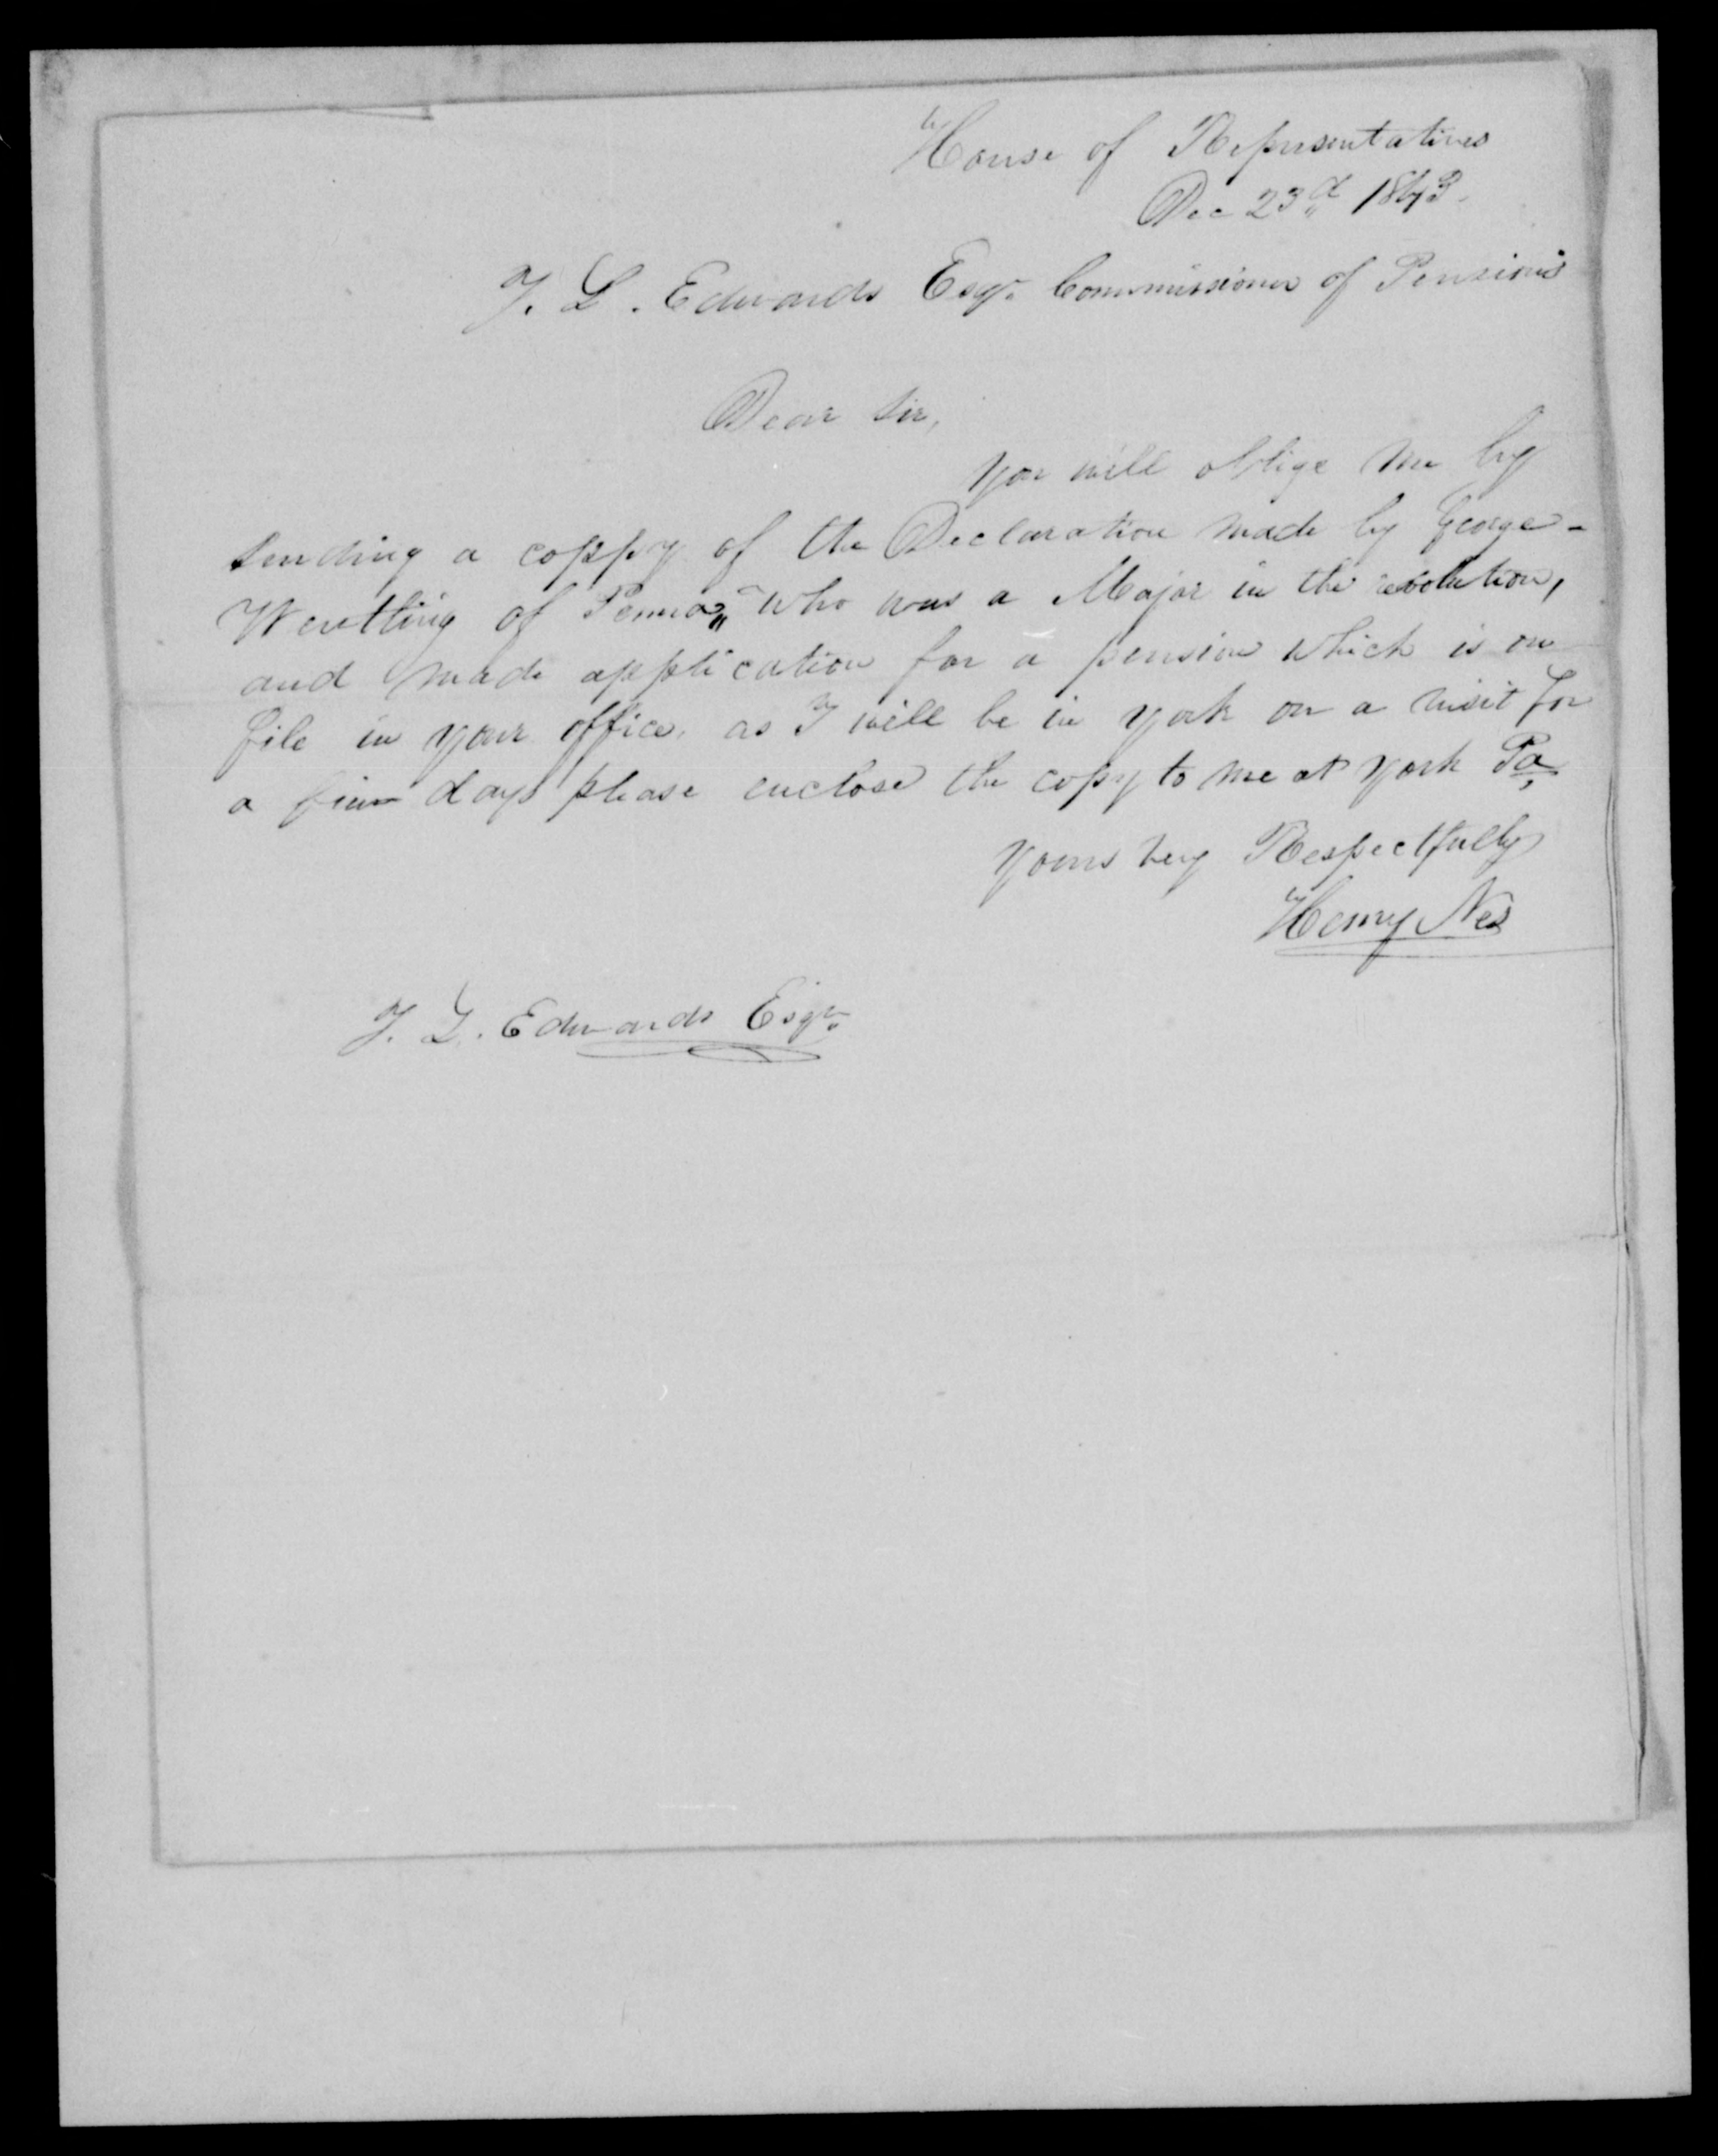House of Representatives
Dec. 23rd 1843.
J. L. Edwards Esqr. Commissioner of Pensions

Dear Sir.

You will oblige me by sending a copy of the Declaration made by George Wentling of Penna,, who was a Major in the revolution, and made application for a pension which is on file in your office as I will be in York on a audit for five days please enclose the copy to me at York, Pa.
Yours very Respectfully
Henry Nes

J. L. Edwards Esqr.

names: George Wentling, Henry Nes, J L Edwards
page: 8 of 68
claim: survivor's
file: S. 6,358, George Wentling, Penn.